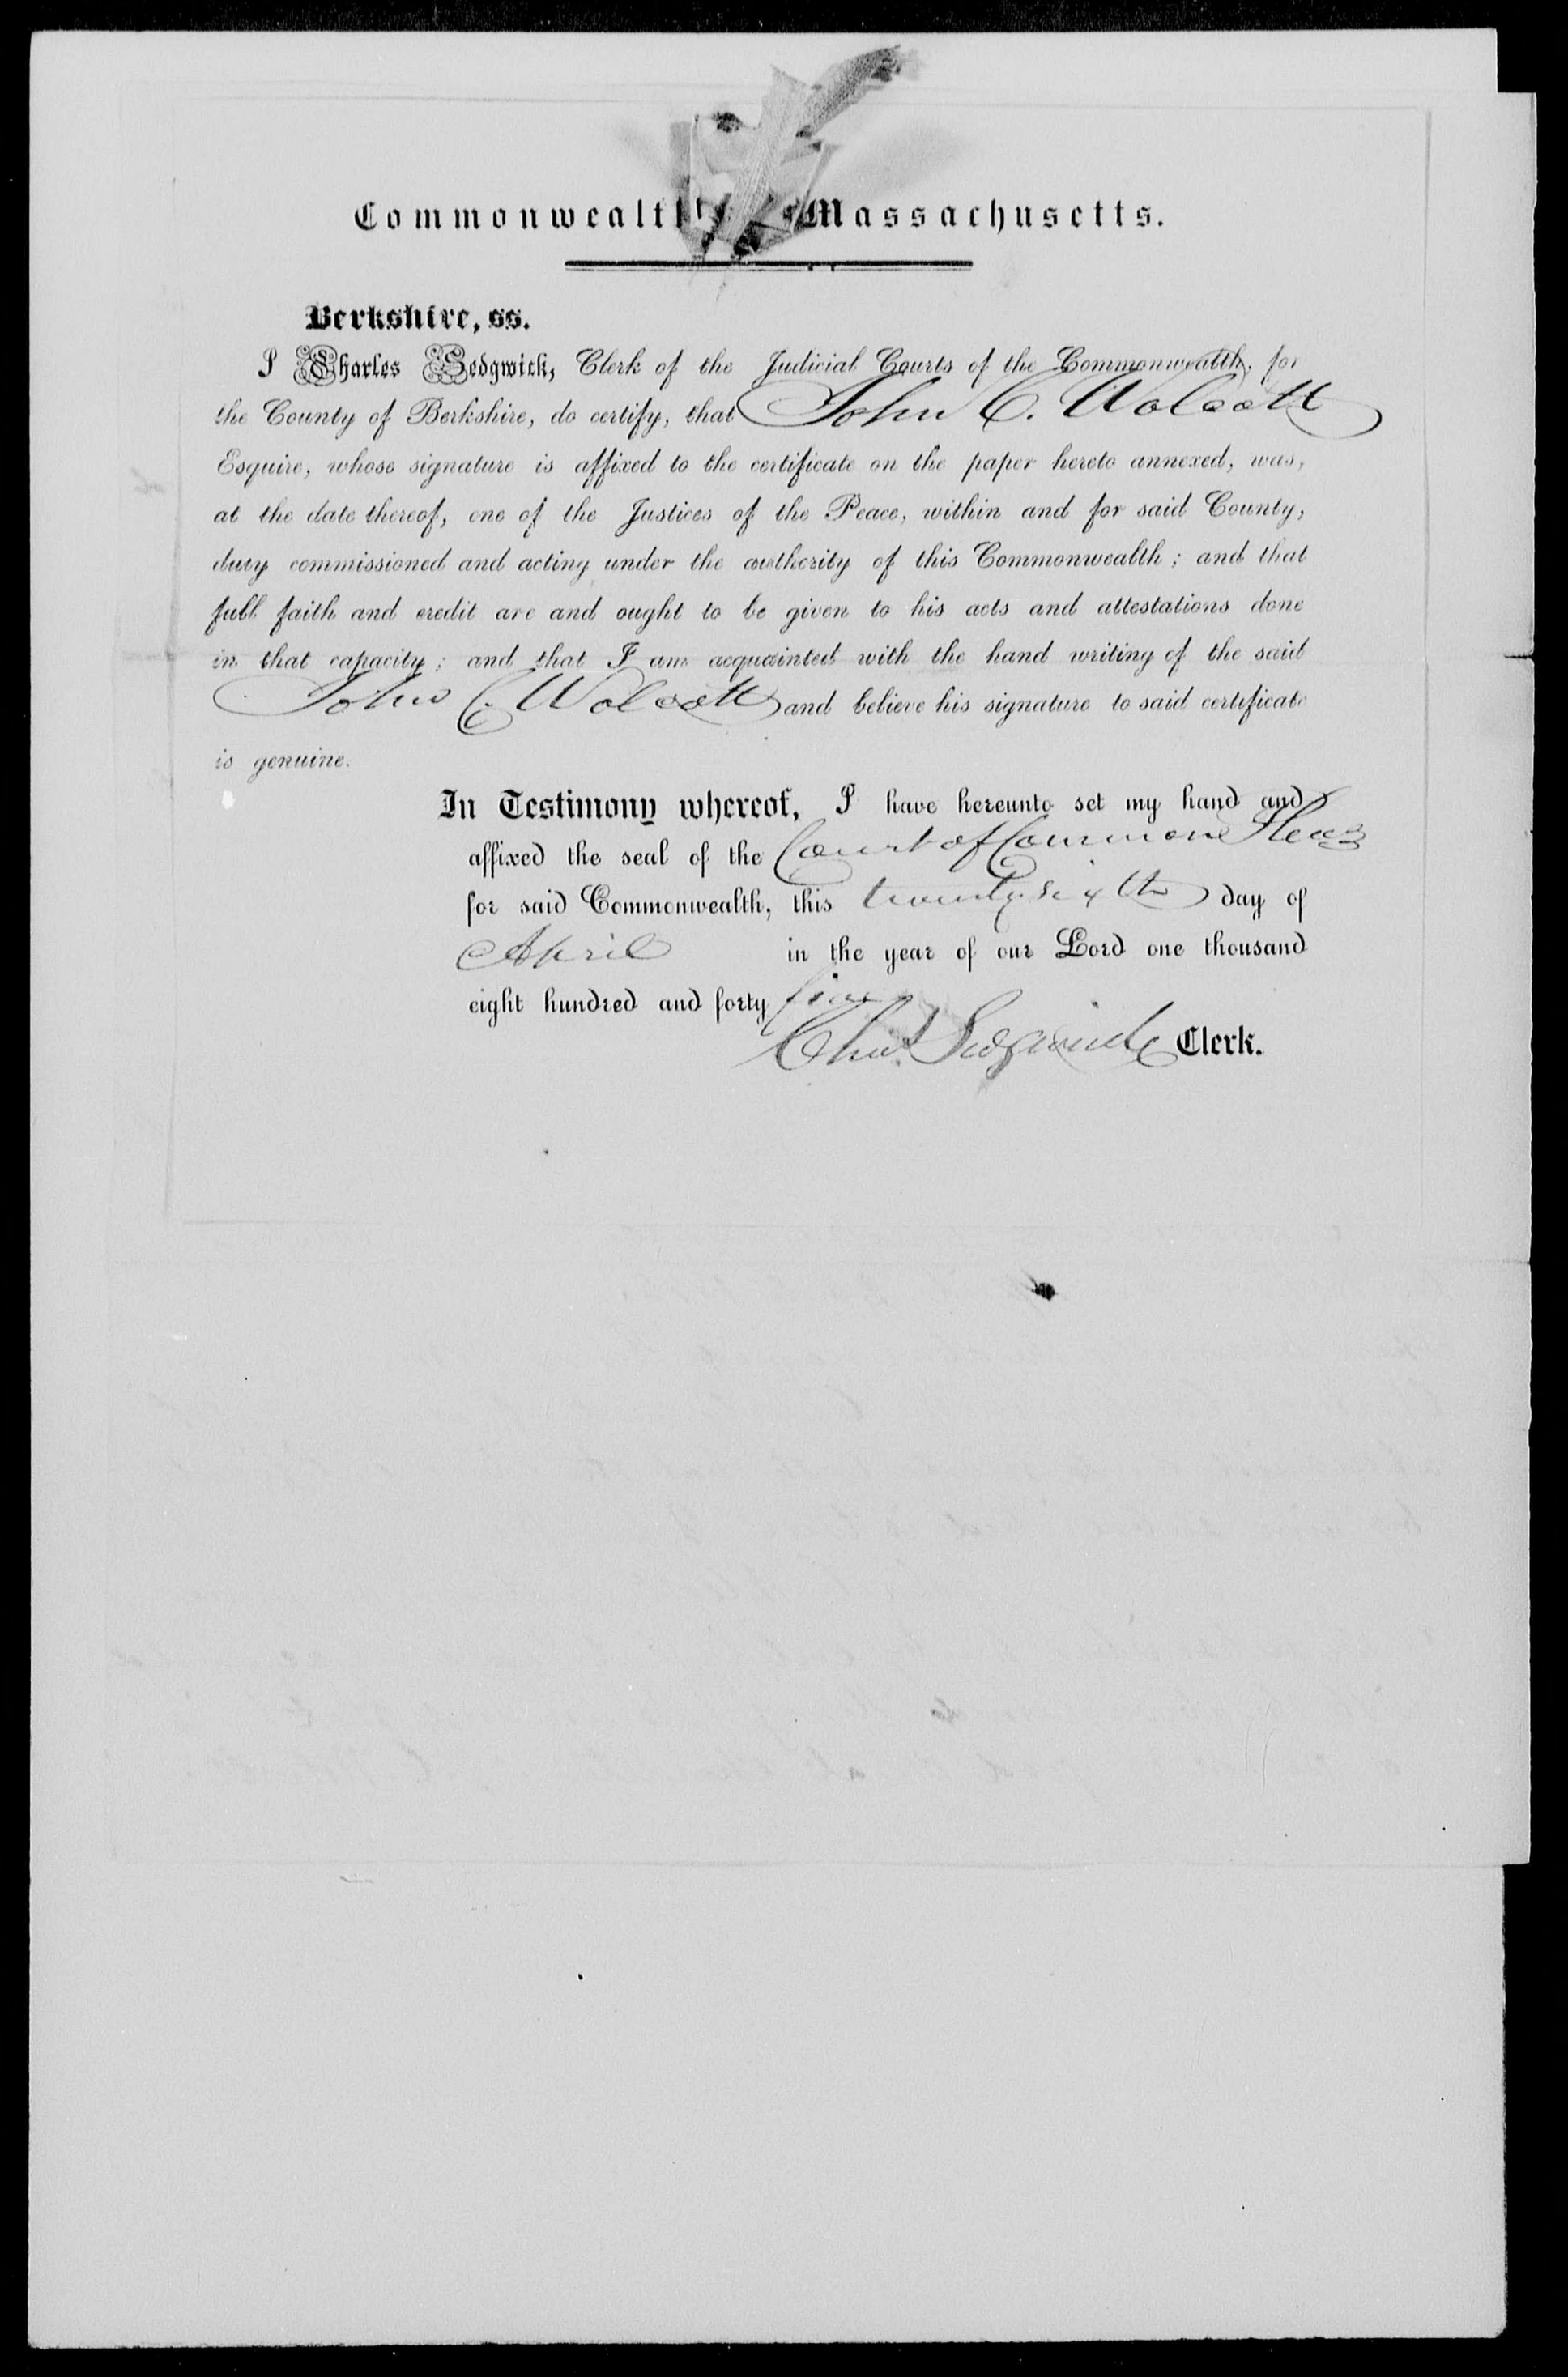Commonwealth Massachusetts. 
Berkshire, ss.
I Charles Sedgwick, Clerk of the Judicial Courts of the Commonwealth, for the County of Berkshire, do certify that John C. Wolcott Esquire, whose signature is affixed to the certificate on the paper hereto annexed, was, at the date thereof, one of the Justices of the Peace, within and for said County, duly commissioned and acting under the authority of this Commonwealth; and that full faith and credit are and ought to be given to his acts and attestations done in that capacity; and that I am acquainted with the hand writing of the said John C. Wolcott and believe his signature to said certificate is genuine.
In Testimony whereof, I have hereunto set my hand and affixed the seal of the Court of Common Pleas for said Commonwealth, this twenty sixth day of April in the year of our Lord one thousand eight hundred and forty five
Chas Sedgwick, Clerk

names: John C Wolcott, Charles Sedgwick, Chas Sedgwick, John C Wolcott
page: 48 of 74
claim: widow's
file: W. 23424, John Allen, Mass. R. I.